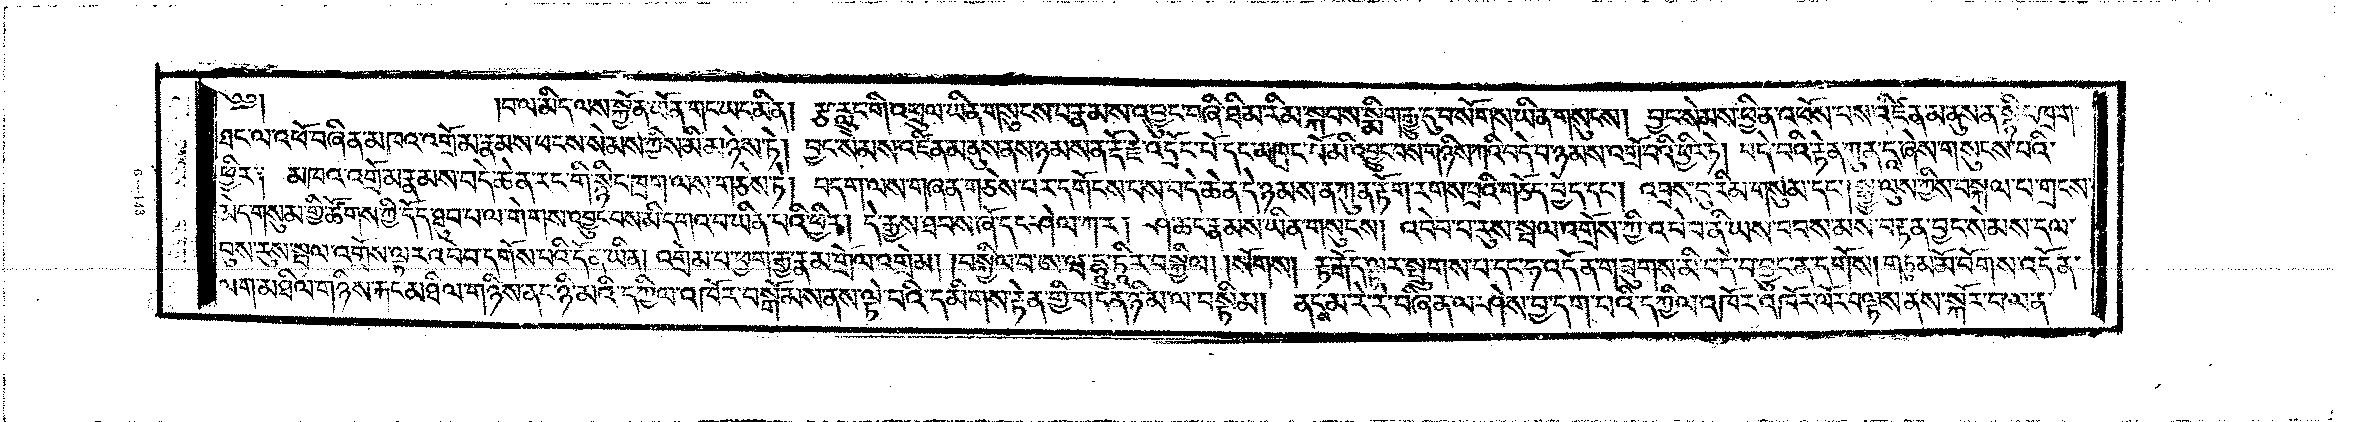༄༅། །བ་ལ་མིད་ལས་སྐྱོན་ཡོན་གང་ཡང་མིན། རྩ་རླུང་གི་འཕྲུལ་ཡིན་གསུངས་པ་རྣམས་འབྱུང་བཞི་ཐིམ་རིམ་སྐབས་སྨིག་རྒྱུ་དུ་བ་སོགས་ཡིན་གསུངས། བྱང་སེམས་ཕྱིན་འཕོས་པས་འཛིན་མ་ནུས་ན་སྙིང་ཁྲག་
ཐང་ལ་འཕོ་བཞིན་མཁའ་འགྲོ་མ་རྣམས་ཕངས་སེམས་ཀྱིས་མི་མཉེས་ཏེ། བྱང་སེམས་འཛིན་མ་ནུས་ནས་ཉམས་ན་རྡོ་རྗེ་འདྲོང་པོ་དང་མཁྲང་པོ་མི་འབྱུང་བས་གཉིས་ཀའི་བདེ་བ་ཉམས་འགྲོ་བའི་ཕྱིར་ཏེ། བདེ་བའི་རྟེན་ཀུན་དཱ་ཞེས་གསུངས་པའི་
ཕྱིར༑ མཁའ་འགྲོ་མ་རྣམས་བདེ་ཆེན་རང་གི་སྙིང་ཁྲག་ལས་གཅེས་ཏེ། བདག་ལས་གཞན་གཅེས་པར་དགོངས་པས་བདེ་ཆེན་དེ་ཉམས་ན་ཀུན་རྟོག་རགས་ཕྲའི་གཅོད་བྱེད་དང་། འབྲས་བུ་རིམ་གསུམ་དང་། སྒྱུ་ལུས་ཀྱིས་བསྐལ་པ་གྲངས་
མེད་གསུམ་གྱི་ཚོགས་ཀྱི་དོད་ཐུབ་པ་ལ་གེགས་འབྱུང་བས་མི་དགའ་བ་ཡིན་པའི་ཕྱིར། དེ་རྒྱས་ཐབས་ཞོ་དང་ཤེལ་ཀ་ར། ཤེ་ཆང་རྣམས་ཡིན་གསུངས། འབེབ་པ་རུས་སྦལ་འགྲོས་ཀྱི་འབེབ་ནི་ཡས་བབས་མས་བརྟན་བྱང་སེམས་དལ་
བུས་རུས་སྦལ་འགྲོས་ལྟར་འབེབ་དགོས་པའི་དོན་ཡིན། འགྲེམ་པ་ཕྱག་རྒྱ་རྣམ་གྲོལ་འགྲེམ། །བསྐྱིལ་བ་ཨ་ཝ་དྷཱུ་ཏཱིར་བསྐྱིལ། །སོགས། རྟ་རྒོད་ལྟར་སྤྲུགས་པ་དང་ཧ་འདོན་གཟུགས་མི་བདེ་བ་བྱུང་ན་དགོས། གཏུམ་མོ་བོགས་འདོན་
ལག་མཐིལ་གཉིས་རྐང་མཐིལ་གཉིས་ནང་ཉི་མའི་དཀྱིལ་འཁོར་བསྒོམས་ནས་ལྟེ་བའི་དམིགས་རྟེན་གྱི་གདན་ཉི་མ་ལ་བསྟིམ། ནངས་མ་རེ་རེ་བཞིན་ལ་ཤེས་བྱ་དག་པའི་དཀྱིལ་འཁོར་འཁོར་ལོར་བལྟས་ནས་སྐོར་བ་ལན་